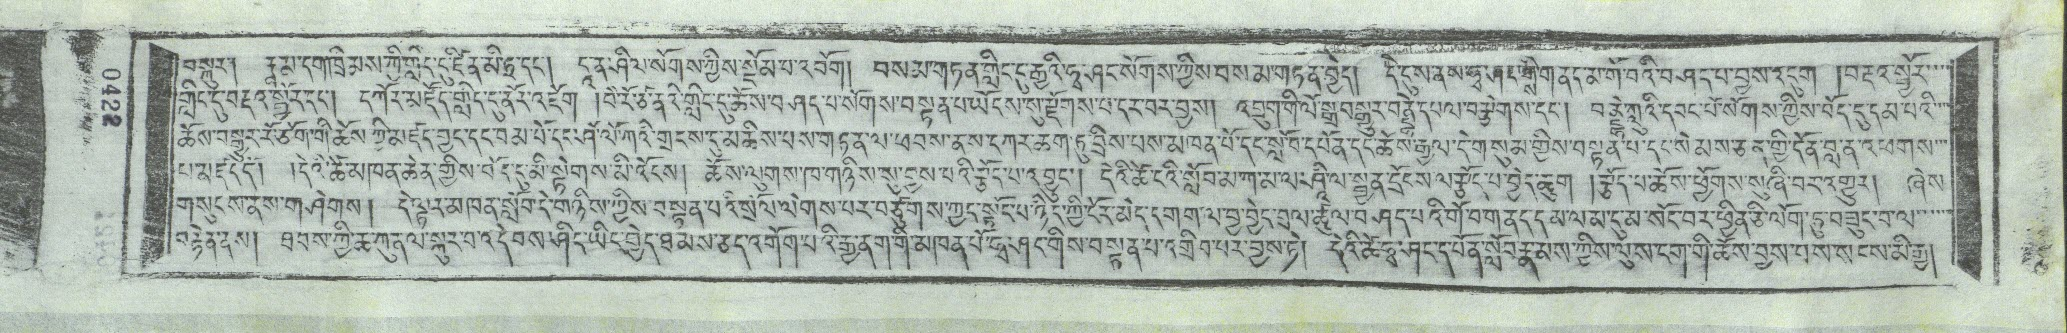བསྐུར། རྣམ་དག་ཁྲིམས་ཀྱི་གླིང་དུ་ཛིན་མི་ཧྲ་དང་། དཱ་ན་ཤིལ་སོགས་ཀྱིས་སྔོམ་པ་འབོག། བསམ་གཏན་གླིང་དུ་རྒྱའི་ཧྭ་ཤང་སོགས་ཀྱིས་བསམ་གཏན་བྱེད། དེ་དུས་ནས་དྭ་ཤང་གེས་གནད་མ་གོ་བའི་བཤད་པ་བྱས་འདུག །བརྡའ་སྦྱོར་
གླིང་དུ་བརྡའ་སྦྱོར་དང་། དཀོར་མཛོད་གླིང་དུ་ནོར་འཇོག །བཻ་རོ་ཙ་ནའི་གླིང་དུ་ཆོས་བཤད་པ་སོགས་བསྟན་པ་ཡོངས་སུ་རྫོགས་པ་དར་བར་བྱས། འབྲུག་གི་ལོ་སྒྲ་བསྒྱུར་བནྡྷེ་དཔལ་བརྩེགས་དང་། བནྡྷེ་ཀླུའི་དབང་པོ་སོགས་ཀྱིས་བོད་དུ་དམ་པའི་
ཆོས་བསྒྱུར་རོ་ཙོག་གི་ཆོས་ཀྱི་མཛད་བྱང་དང་བམ་པོ་དང་ཤོ་ལོ་ཀའི་གྲངས་དུ་མཆིས་པས་གཏན་ལ་ཕབས་ནས་དཀར་ཆག་ཏུ་བྲིས་པས་མཁན་པོ་དང་སློབ་དཔོན་དང་ཆོས་རྒྱལ་དེ་གསུམ་གྱིས་བསྟན་པ་དང་སེམས་ཅན་གྱི་དོན་བླ་ན་འཕགས་
པ་མཛད་དོ། །དེའི་ཚེ་མཁན་ཆེན་གྱིས་བོད་དུ་མི་སྟེགས་མི་འོངས། ཆོས་ལུགས་ཁ་གཉིས་སུ་བྱས་པའི་རྩོད་པ་འབྱུང་། དེའི་ཚེ་ངའི་སློབ་མ་ཀ་མ་ལ་ཤཱི་ལ་སྦྱན་དྲོངས་ལ་རྩོད་པ་བྱེད་ཆུག །རྩོད་པ་ཆོས་ཕྱོགས་སུ་ཞི་བར་འགྱུར། ཞེས་
གསུངས་ནས་གཤེགས། དེ་ལྟར་མཁན་སློབ་དེ་གཉིས་ཀྱིས་བསྟན་པའི་སྲོལ་ལེགས་པར་བཙུགས་ཀྱང་སྟོང་པ་ཉིད་ཀྱི་དོར་མེད་དགག་ལ་བྱ་བྱེད་བྲལ་ཚུལ་བཤད་པའི་གོ་བ་གནད་དམ་ལམ་དུ་མ་སོང་བར་ཕྱིན་ཅི་ལོག་ཏུ་བཟུང་བ་ལ་
བརྟེན་ནས། ཐབས་ཀྱི་ཆ་ཀུན་ལ་སྐུར་བ་འདེབས་ཤིང་ཡིད་བྱེད་ཐམས་ཅད་འགོག་པའི་རྒྱ་ནག་གི་མཁན་པོ་ཧྭ་ཤང་གིས་བསྟན་པ་འགྲིབ་པར་བྱས་ཏེ། དེའི་ཚེ་ཧྭ་ཤང་དཔོན་སློབ་རྣམས་ཀྱིས་ལུས་ངག་གི་ཆོས་བྱས་པས་སངས་མི་རྒྱ།